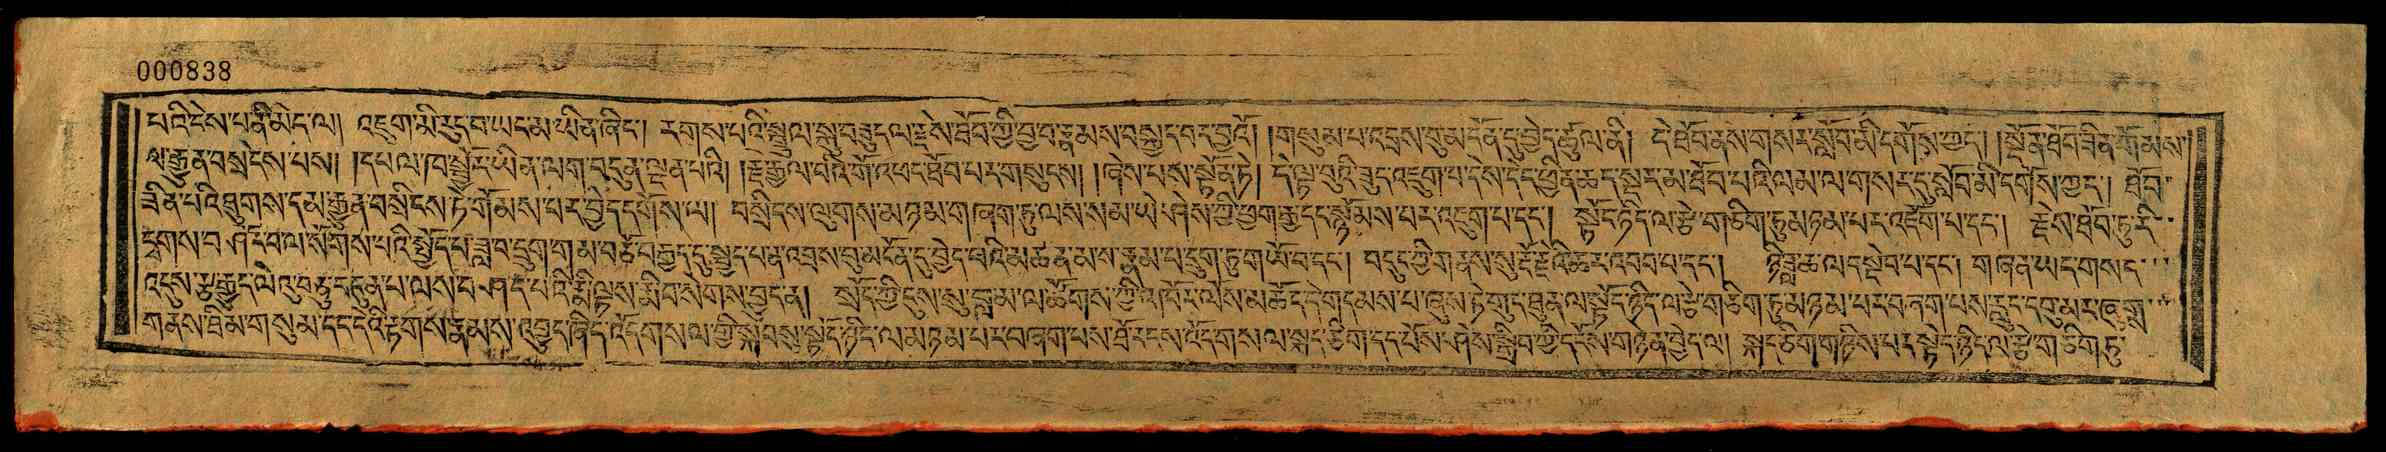པའི་ངེས་པ་ནི་མེད་ལ། འཇུག་མི་རུང་བ་ཡང་མ་ཡིན་ཞིང་། རགས་པའི་སྤྲུལ་སྐུ་བཟུང་ལ་རྗེས་ཐོབ་ཀྱི་བྱ་བ་རྣམས་བསྐྱང་བར་བྱའོ། །གསུམ་པ་འབྲས་བུ་མངོན་དུ་བྱེད་ཚུལ་ནི། དེ་ཐོབ་ནས་གསར་སློབ་མི་དགོས་ཀྱང་། །སྔོན་ཐོབ་ཟིན་གོམས་
པ་རྒྱུན་བསྲིངས་པས། །དཔལ་ཁ་སྦྱོར་ཡན་ལག་བདུན་ལྡན་པའི། །རྗེ་རྒྱལ་བའི་གོ་འཕང་ཐོབ་པར་གསུངས། །ཞེས་པས་སྟོན་ཏེ། དེ་ལྟ་བུའི་ཟུང་འཇུག་པ་དེས་དེང་ཕྱིན་ཆད་སྔར་མ་ཐོབ་པའི་ལམ་ལ་གསར་དུ་སློབ་མི་དགོས་ཀྱང་། ཐོབ་
ཟིན་པའི་ཐུགས་དམ་རྒྱུན་བསྲིངས་ཏེ་གོམས་པར་བྱེད་དགོས་ལ། བསྲིངས་ལུགས་མཉམ་གཞག་ཏུ་ལས་སམ་ཡེ་ཤེས་ཀྱི་ཕྱག་རྒྱ་དང་སྙོམས་པར་འཇུག་པ་དང་། སྟོང་ཉིད་ལ་རྩེ་གཅིག་ཏུ་མཉམ་པར་འཇོག་པ་དང་། རྗེས་ཐོབ་ཏུ་རི་
དྭགས་བཤར་བ་ལ་སོགས་པའི་སྤྱོད་པ་ཟླ་བ་དྲུག་གམ་བཅོ་བརྒྱད་དུ་སྤྱད་པ་ན་འབྲས་བུ་མངོན་དུ་བྱེད་པའི་མཚན་མས་རྣམ་པ་དྲུག་ཏུ་གཡོ་བ་དང་། བདུད་ཀྱི་གནས་སུ་རྡོ་རྗེའི་ཆར་འབབ་པ་དང་། ཉི་ཟླ་ཆ་ལང་སྡེབ་པ་དང་། གཞན་ཡང་གསང་
འདུས་རྩ་རྒྱུད་ལེའུ་བཅུ་བདུན་པ་ལས་བཤད་པའི་རྨི་ལྟས་རྨི་བ་སོགས་བྱུང་ན། སྲོད་ཀྱི་དུས་སུ་བླ་མ་ལ་ཚོགས་ཀྱི་འཁོར་ལོས་མཆོད་དེ་གདམས་པ་ཞུས་ཏེ་གུང་ཐུན་ལ་སྟོང་ཉིད་ལ་རྩེ་གཅིག་ཏུ་མཉམ་པར་བཞག་པས་རླུང་དབུ་མར་ཞུགས་
གནས་ཐིམ་གསུམ་དང་དེའི་རྟགས་རྣམས་འབྱུང་ཞིང་འོད་གསལ་གྱི་སྐབས་སུ་སྟོང་ཉིད་ལ་མཉམ་པར་བཞག་པས་ཐོ་རངས་འོད་གསལ་སྐད་ཅིག་དང་པོས་ཤེས་སྒྲིབ་ཀྱི་དངོས་གཉེན་བྱེད་ལ། སྐད་ཅིག་གཉིས་པར་སྟོང་ཉིད་ལ་རྩེ་གཅིག་ཏུ་